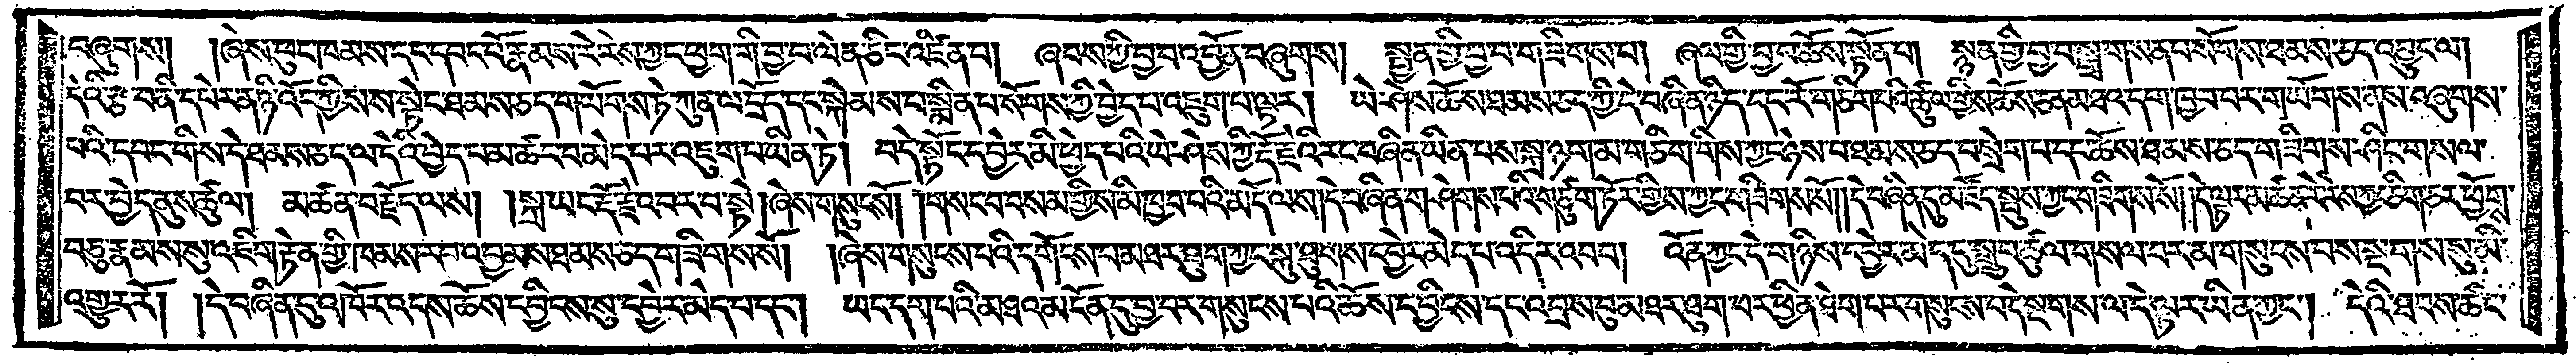བཞུགས། །ཞེས་ཕུང་ཁམས་དང་དབང་པོ་རྣམས་རེ་རེས་ཀྱང་ཕྱག་གི་བྱ་བ་ལེན་ཅིང་འཛིན་བ། ཞབས་ཀྱི་བྱ་བ་འབྱོན་བཞུགས། སྤྱན་གྱི་བྱ་བ་གཟིགས་པ། ཞལ་གྱི་བྱ་བ་ཆོས་སྟོན་པ། སྙན་གྱི་བྱ་བསྒྲགས་ན་པ་སོགས་ཐམས་ཅད་འབྱུང་ལ།
དེའི་རྩབ་ནི་དཔེར་ན་ཉི་འོད་ཀྱིས་ས་སྟེང་ཐམས་ཅད་གཡོགས་ཏེ་ཀུན་ལ་དྲོད་དང་སྐེམས་པ་སྨིན་པ་སོགས་ཀྱི་བྱེད་པ་འཇུག་པ་ལྟར། ཡེ་ཤེས་ཆོས་ཐམས་ཅད་ཀྱི་དེ་བཞིན་ཉིད་དང་རོ་གཅིག་པའི་ཚུལ་གྱིས་ཆོས་ཅན་མཐའ་དག་ཁྱབ་བར་གཡོགས་ནས་བཞུགས་
པའི་དབང་གིས་དེ་ཐམས་ཅད་ལ་དེའི་བྱེད་པ་མཚང་བ་མེད་པར་འཇུག་པ་ཡིན་ཏེ། བདེ་སྟང་དབྱེར་མི་ཕྱེད་བའི་ཡེ་ཤེས་ཀྱི་རྡོ་རྗེའི་རང་བཞིན་ཡིན་བས་སྒྐྲ་ཉག་མ་གཅིག་གིས་ཀྱང་ཉེས་པ་ཐམས་ཅད་བསྲེག་པ་དང་ཆོས་ཐམས་ཅད་གཟིགས་ཤིང་གསལ་
བར་ཕྱེད་ནུས་ཚུལ། མཚན་བརྗོད་ལས། །སྐྲ་ཡང་རྡོ་རྗེ་འབར་བ་སྟེ། ཞེས་གསུངས། །གསང་བ་བསམ་གྱིས་མི་ཁྱབ་བའི་མདོ་ལས། དེ་བཞིན་གཤེགས་པའི་གཙུག་ཏོར་གྱིས་ཀྱང་གཟིགས་སོ། །དེ་བཞིན་དུ་མཛོད་སྤུས་ཀྱང་གཟིགས་སོ། །དེ་ལྟར་མཚན་རེ་རེས་ཀྱང་ཅིག་ཅར་ཕྱོགས་
བཅུ་རྣམས་སུ་འཇིག་རྟེན་གྱི་ཁམས་རབ་འབྱམས་ཐམས་ཅད་གཟིགས་སོ། །ཞེས་གསུངས་པའི་དགོངས་པ་མཐར་ཐུག་ཀྱང་སྐུ་ཐུགས་དབྱེར་མེད་པ་འདིར་འབབ། འོན་ཀྱང་དེ་གཉིས་དབྱེར་མེད་དུ་སྒྲུབ་ཚུལ་གསལ་བར་མ་གསུངས་པས་སྔགས་སུ་མི་
འགྱུར་རོ། །དེ་བཞིན་དུ་འཁོར་འདས་ཆོས་དབྱིངས་སུ་དབྱེར་མེད་པ་དང་། ཡང་དག་པའི་མཐའ་མངོན་དུ་བྱ་བར་གསུངས་པའི་ཆོས་དབྱིངས་དང་འབྲས་བུ་མཐར་ཐུག་བར་ཕྱིན་ཐེག་པར་གསུངས་པ་དེ་སྔགས་ལ་དེ་ལྟར་ཡིན་ཀྱང་། དེའི་ཐབས་ཚང་